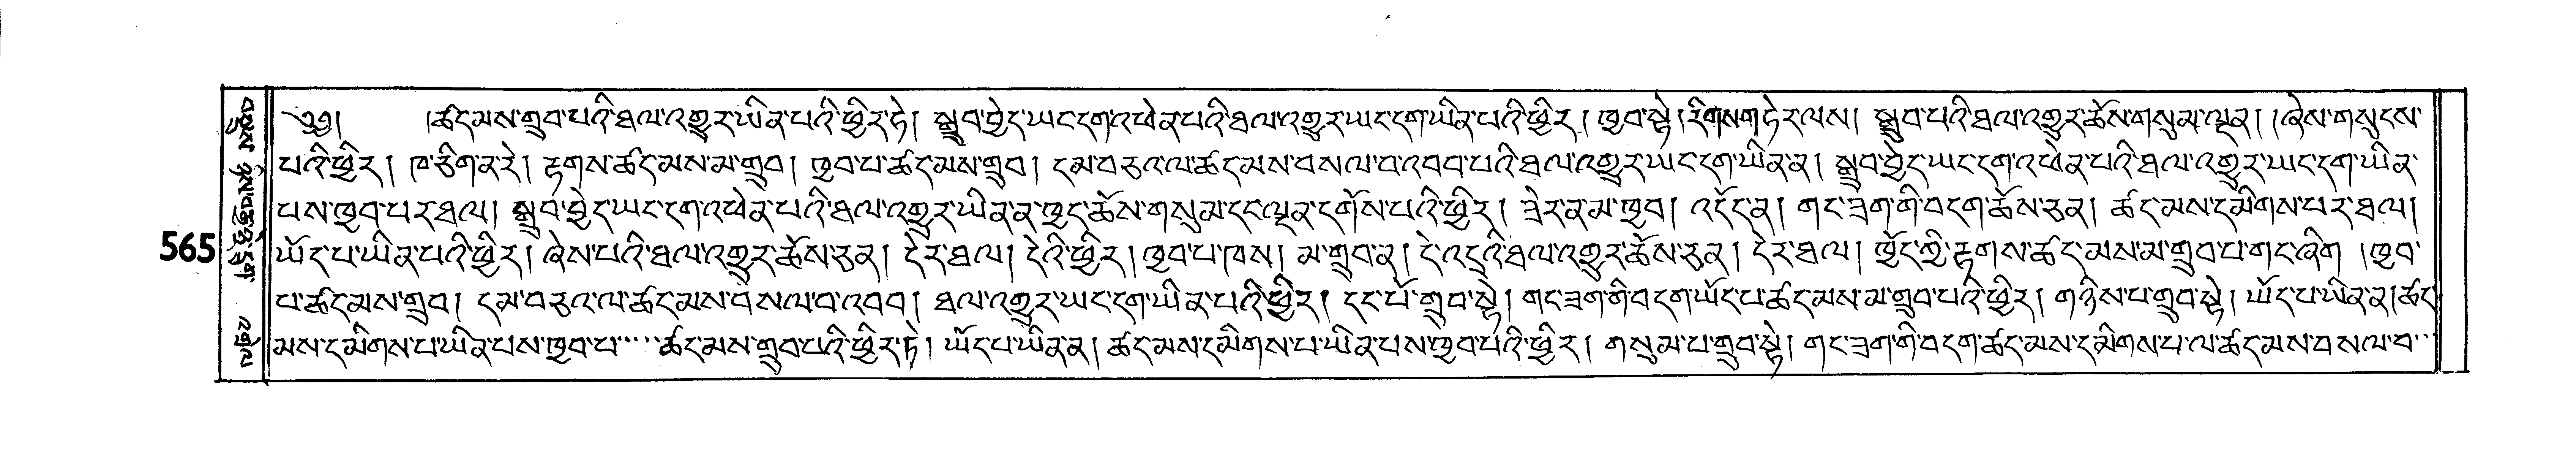༄༅། །ཚད་མས་གྲུབ་པའི་ཐལ་འགྱུར་ཡིན་པའི་ཕྱིར་ཏེ། སྒྲུབ་བྱེད་ཡང་དག་འཕེན་པའི་ཐལ་འགྱུར་ཡང་དག་ཡིན་པའི་ཕྱིར། ཁྱབ་སྟེ། རིགས་གཏེར་ལས། སྒྲུབ་པའི་ཐལ་འགྱུར་ཆོས་གསུམ་ལྡན། །ཞེས་གསུངས་
པའི་ཕྱིར། ཁ་ཅིག་ན་རེ། རྟགས་ཚད་མས་མ་གྲུབ། ཁྱབ་པ་ཚད་མས་གྲུབ། དམ་བཅའ་ལ་ཚད་མས་བསལ་བ་འབབ་པའི་ཐལ་འགྱུར་ཡང་དག་ཡིན་ན། སྒྲུབ་བྱེད་ཡང་དག་འཕེན་པའི་ཐལ་འགྱུར་ཡང་དག་ཡིན་
པས་ཁྱབ་པར་ཐལ། སྒྲུབ་བྱེད་ཡང་དག་འཕེན་པའི་ཐལ་འགྱུར་ཡིན་ན་ཁྱད་ཆོས་གསུམ་དང་ལྡན་དགོས་པའི་ཕྱིར། ཟེར་ན་མ་ཁྱབ། འདོད་ན། གང་ཟག་གི་བདག་ཆོས་ཅན། ཚད་མས་དམིགས་པར་ཐལ།
ཡོད་པ་ཡིན་པའི་ཕྱིར། ཞེས་པའི་ཐལ་འགྱུར་ཆོས་ཅན། དེར་ཐལ། དེའི་ཕྱིར། ཁྱབ་པ་ཁས། མ་གྲུབ་ན། དེ་འདྲའི་ཐལ་འགྱུར་ཆོས་ཅན། དེར་ཐལ། ཁྱོད་ཀྱི་རྟགས་ཚད་མས་མ་གྲུབ་པ་གང་ཞིག །ཁྱབ་
པ་ཚད་མས་གྲུབ། དམ་བཅའ་ལ་ཚད་མས་བསལ་བ་འབབ། ཐལ་འགྱུར་ཡང་དག་ཡིན་པའི་ཕྱིར། དང་པོ་གྲུབ་སྟེ། གང་ཟག་གི་བདག་ཡོད་པ་ཚད་མས་མ་གྲུབ་པའི་ཕྱིར། གཉིས་པ་གྲུབ་སྟེ། ཡོད་པ་ཡིན་ན། ཚད་
མས་དམིགས་པ་ཡིན་པས་ཁྱབ་པ་ཚད་མས་གྲུབ་པའི་ཕྱིར་ཏེ། ཡོད་པ་ཡིན་ན། ཚད་མས་དམིགས་པ་ཡིན་པས་ཁྱབ་པའི་ཕྱིར། གསུམ་པ་གྲུབ་སྟེ། གང་ཟག་གི་བདག་ཚད་མས་དམིགས་པ་ལ་ཚད་མས་བསལ་བ་